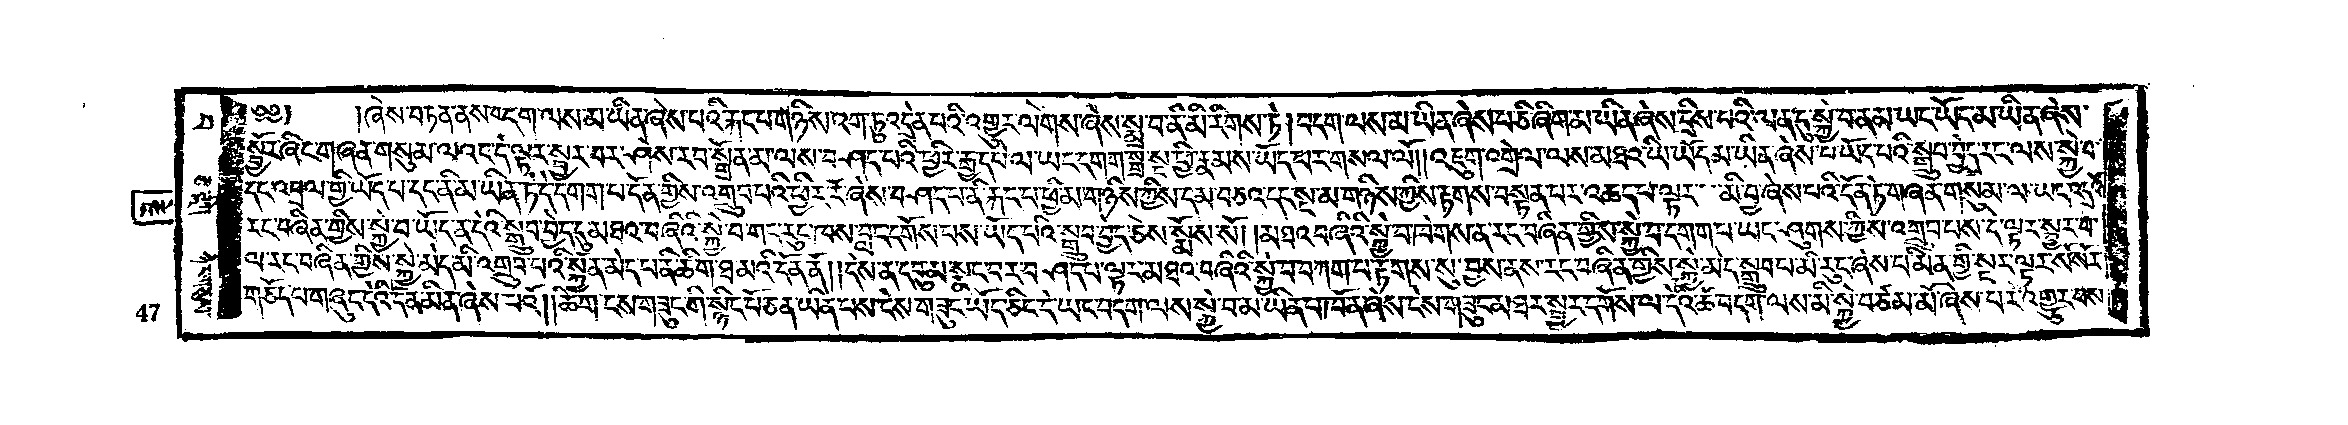༄༅། །ཞེས་བསྟན་ནས་བདག་ལས་མ་ཡིན་ཞེས་པའི་རྐང་པ་གཉིས་འོག་ཏུ་འདྲེན་པའི་འགྱུར་ལེགས་ཞེས་སྨྲ་བ་ནི་མི་རིགས་ཏེ། བདག་ལས་མ་ཡིན་ཞེས་པ་ཅི་ཞིག་མ་ཡིན་ཞེས་དྲིས་པའི་ལན་དུ་སྐྱེ་བ་ནམ་ཡང་ཡོད་མ་ཡིན་ཞེས་
སྦྱོར་ཞིང་གཞན་གསུམ་ལའང་དེ་ལྟར་སྦྱར་བར་ཤེས་རབ་སྒྲོན་མ་ལས་བཤད་པའི་ཕྱིར་རྒྱད་པེ་ལ་ཡང་དགག་སྒྲ་སྔ་ཕྱི་རྣམས་ཡོད་པར་གསལ་ལོ། །འཇུག་འགྲེལ་ལས་མཐའ་ཡི་ཡོད་མ་ཡིན་ཞེས་པ་ཡོད་པའི་སྒྲུབ་བྱེད་རང་ལས་སྐྱེ་བ་
ནང་འབྲེལ་གྱི་ཡོད་པ་དང་ནི་མ་ཡིན་ཏེ་དེ་དགག་པ་དོན་གྱིས་འགྲུབ་པའི་ཕྱིར་རོ་ཞེས་བཤད་པ་ནི་རྐང་པ་ཕྱི་མ་གཉིས་ཀྱིས་དམ་བཅའ་དང་སྔ་མ་གཉིས་ཀྱིས་རྟགས་བསྟན་པར་འཆད་པ་ལྟར་མི་བྱ་ཞེས་པའི་དོན་ཏེ་གཞན་གསུམ་ལ་ཡང་འདྲའོ་
རང་བཞིན་གྱིས་སྐྱེ་བ་ཡོད་ན་དེའི་སྒྲུབ་བྱེད་དུ་མཐའ་བཞིའི་སྐྱེ་བ་གང་རུང་ཁས་བླང་དགོས་པས་ཡོད་པའི་སྒྲུབ་བྱེད་ཅེས་སྨོས་སོ། །མཐའ་བཞིའི་སྐྱེ་བ་ཁེགས་ན་རང་བཞིན་གྱིས་སྐྱེ་བ་དགག་པ་ཡང་ཤུགས་ཀྱིས་འགྲུབ་པས་དེ་ལྟར་སྦྱར་བ་
ལ་རང་བཞིན་གྱིས་སྐྱེ་མེད་མི་འགྲུབ་པའི་སྐྱོན་མེད་པ་ནི་ཚིག་ཐ་མའི་དོན་ནོ། །དེས་ན་དབུ་མ་སྣང་བར་བཤད་པ་ལྟར་མཐའ་བཞིའི་སྐྱེ་བ་བཀག་པ་རྟགས་སུ་བྱས་ནས་རང་བཞིན་གྱིས་སྐྱེ་མེད་སྒྲུབ་པ་མི་རུང་ཞེས་པ་མིན་གྱི་སྔར་ལྟར་སོ་སོར་
གཅོད་པ་གཞུང་དེའི་དོན་མིན་ཞེས་པའོ། །ཚིག་ངེས་གཟུང་གི་སྙིང་པོ་ཅན་ཡིན་པས་ངེས་གཟུང་ཡོད་ཅིང་དེ་ཡང་བདག་ལས་སྐྱེ་བ་མ་ཡིན་པ་ཁོ་ན་ཞེས་ངེས་གཟུང་མཐར་སྦྱར་དགོས་ལ་དེའི་ཚེ་བདག་ལས་མི་སྐྱེ་བ་ཙམ་མོ་ཞེས་པར་འགྱུར་བས་